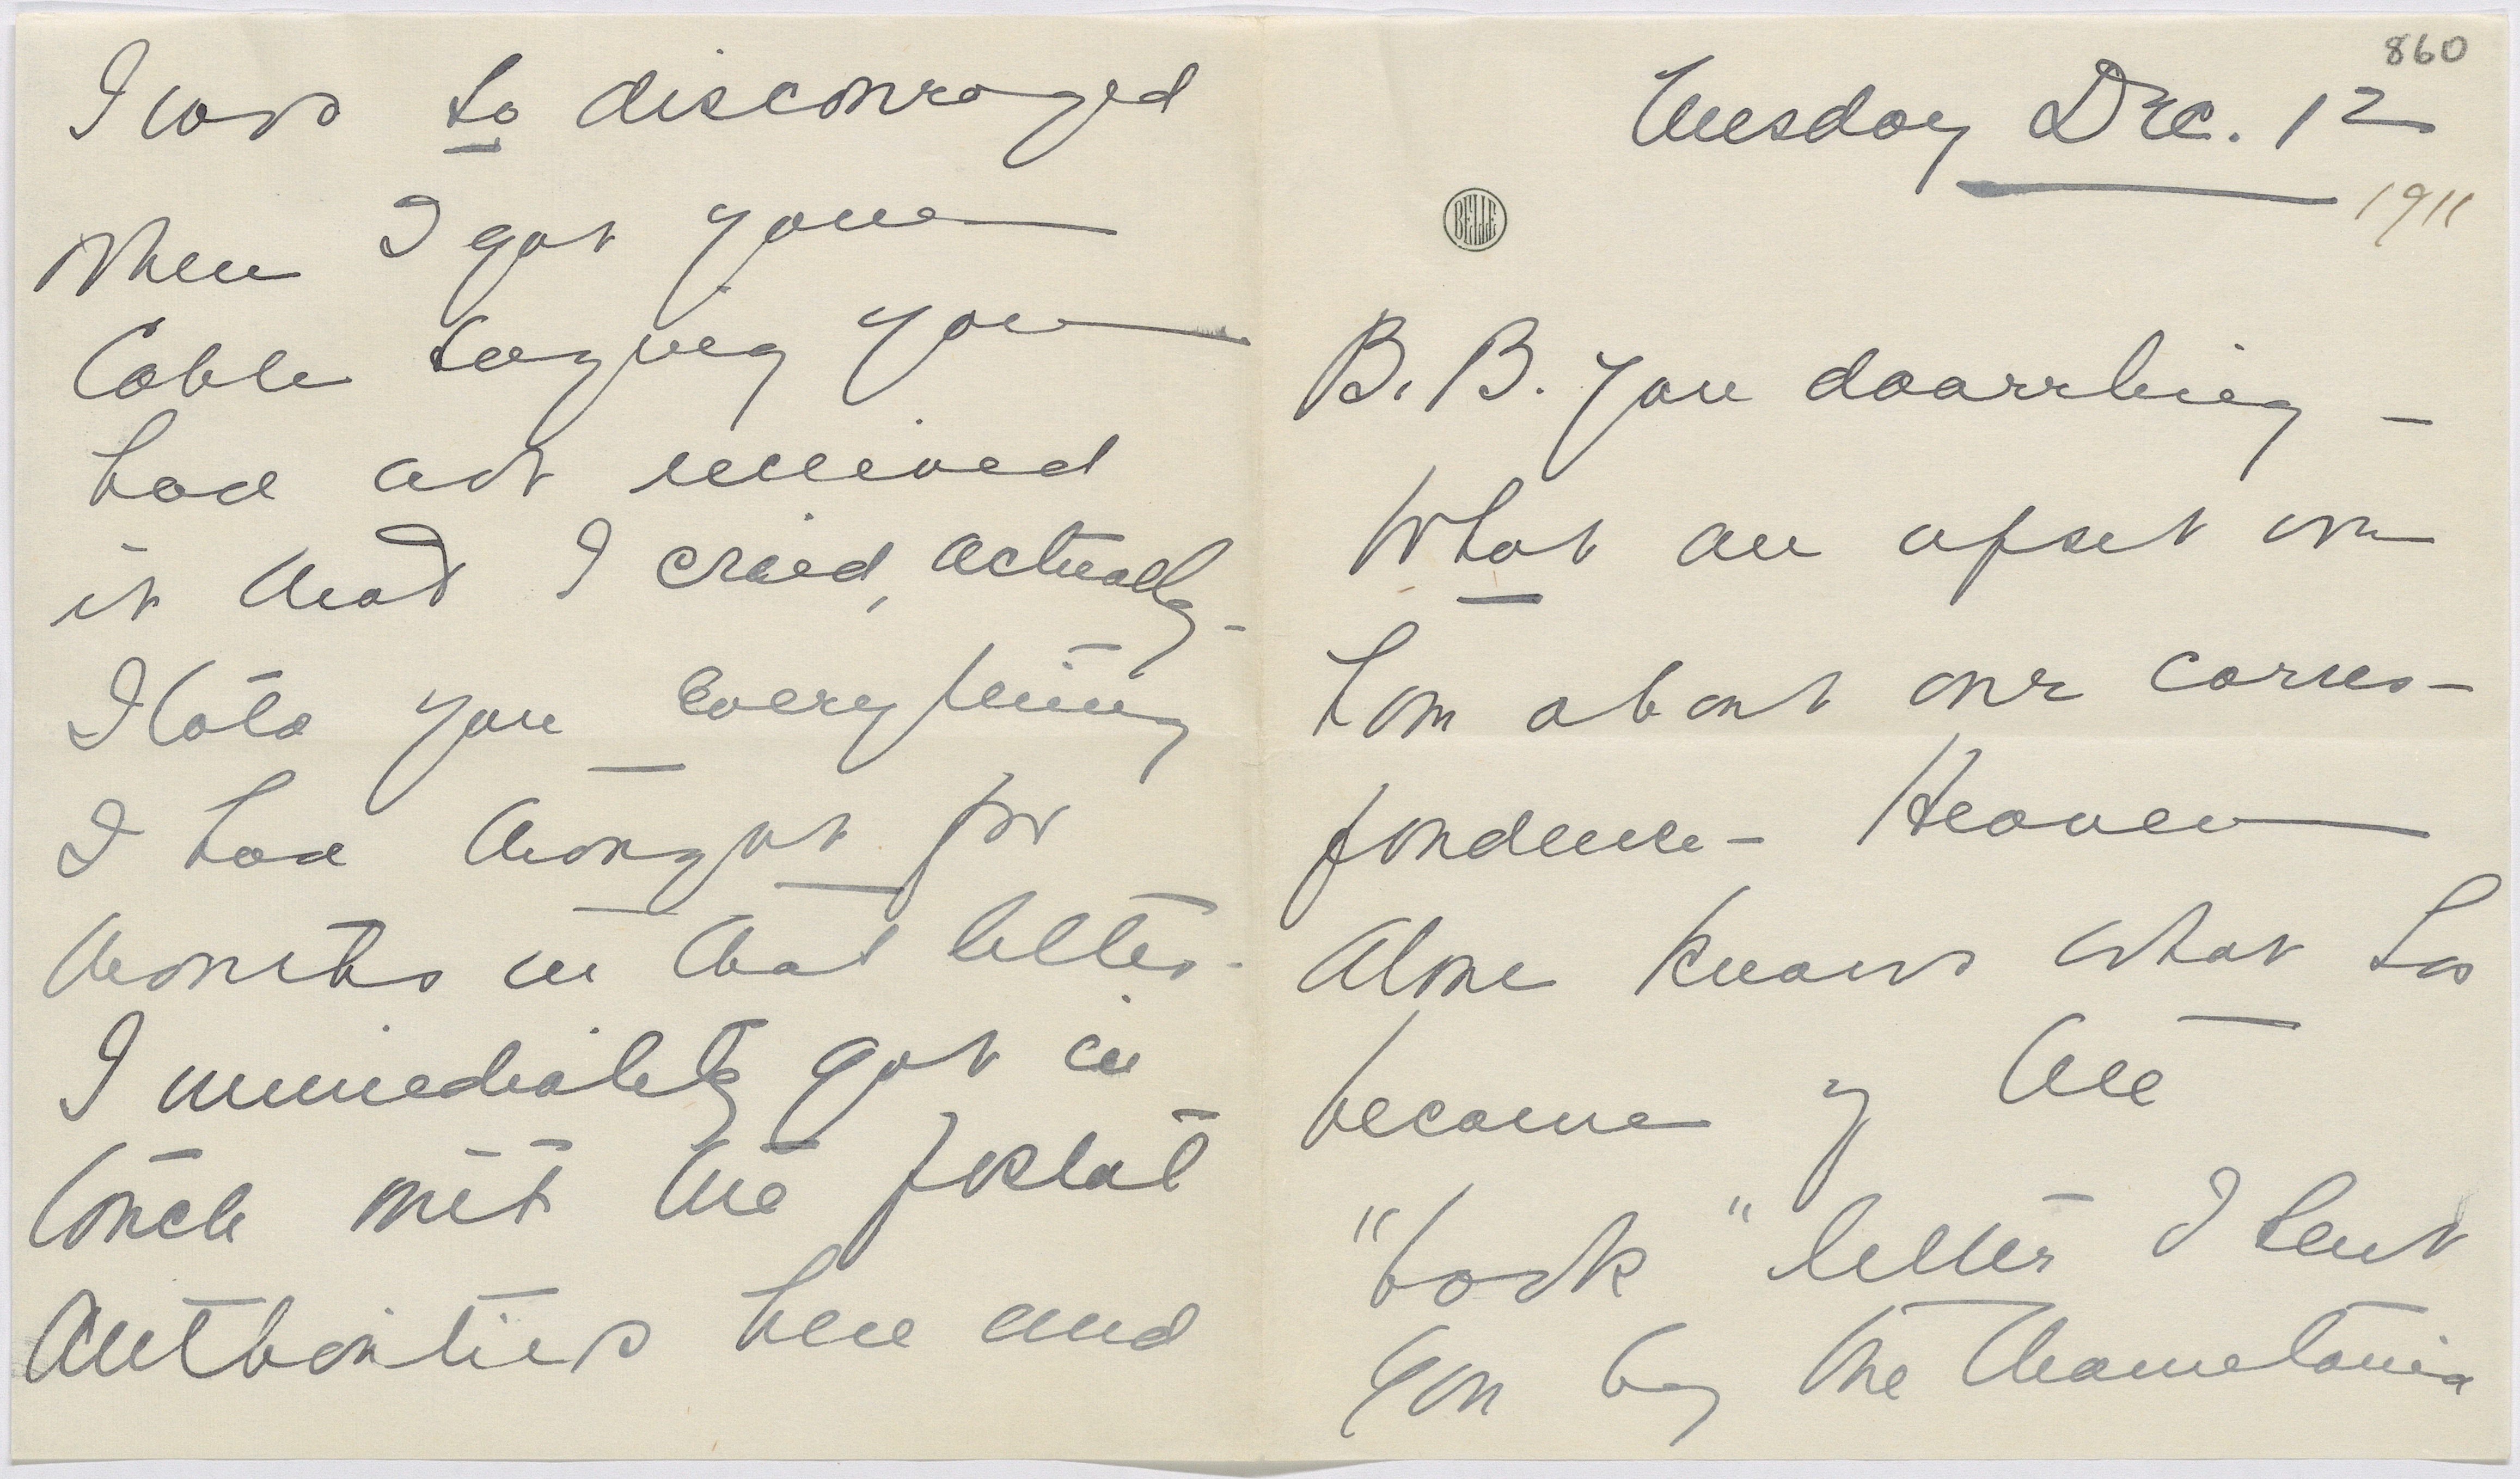Tuesday Dec. 12
B. B. you daarrling –
What an upset we have about our correspondence – Heaven alone knows what has become of the “book” letter I sent you by the Mauretania
I was so discouraged when I got your cable saying you had not received it that I cried, actually – I told you everything I had thought for months in that letter. I immediately got in touch with the postal authorities here and